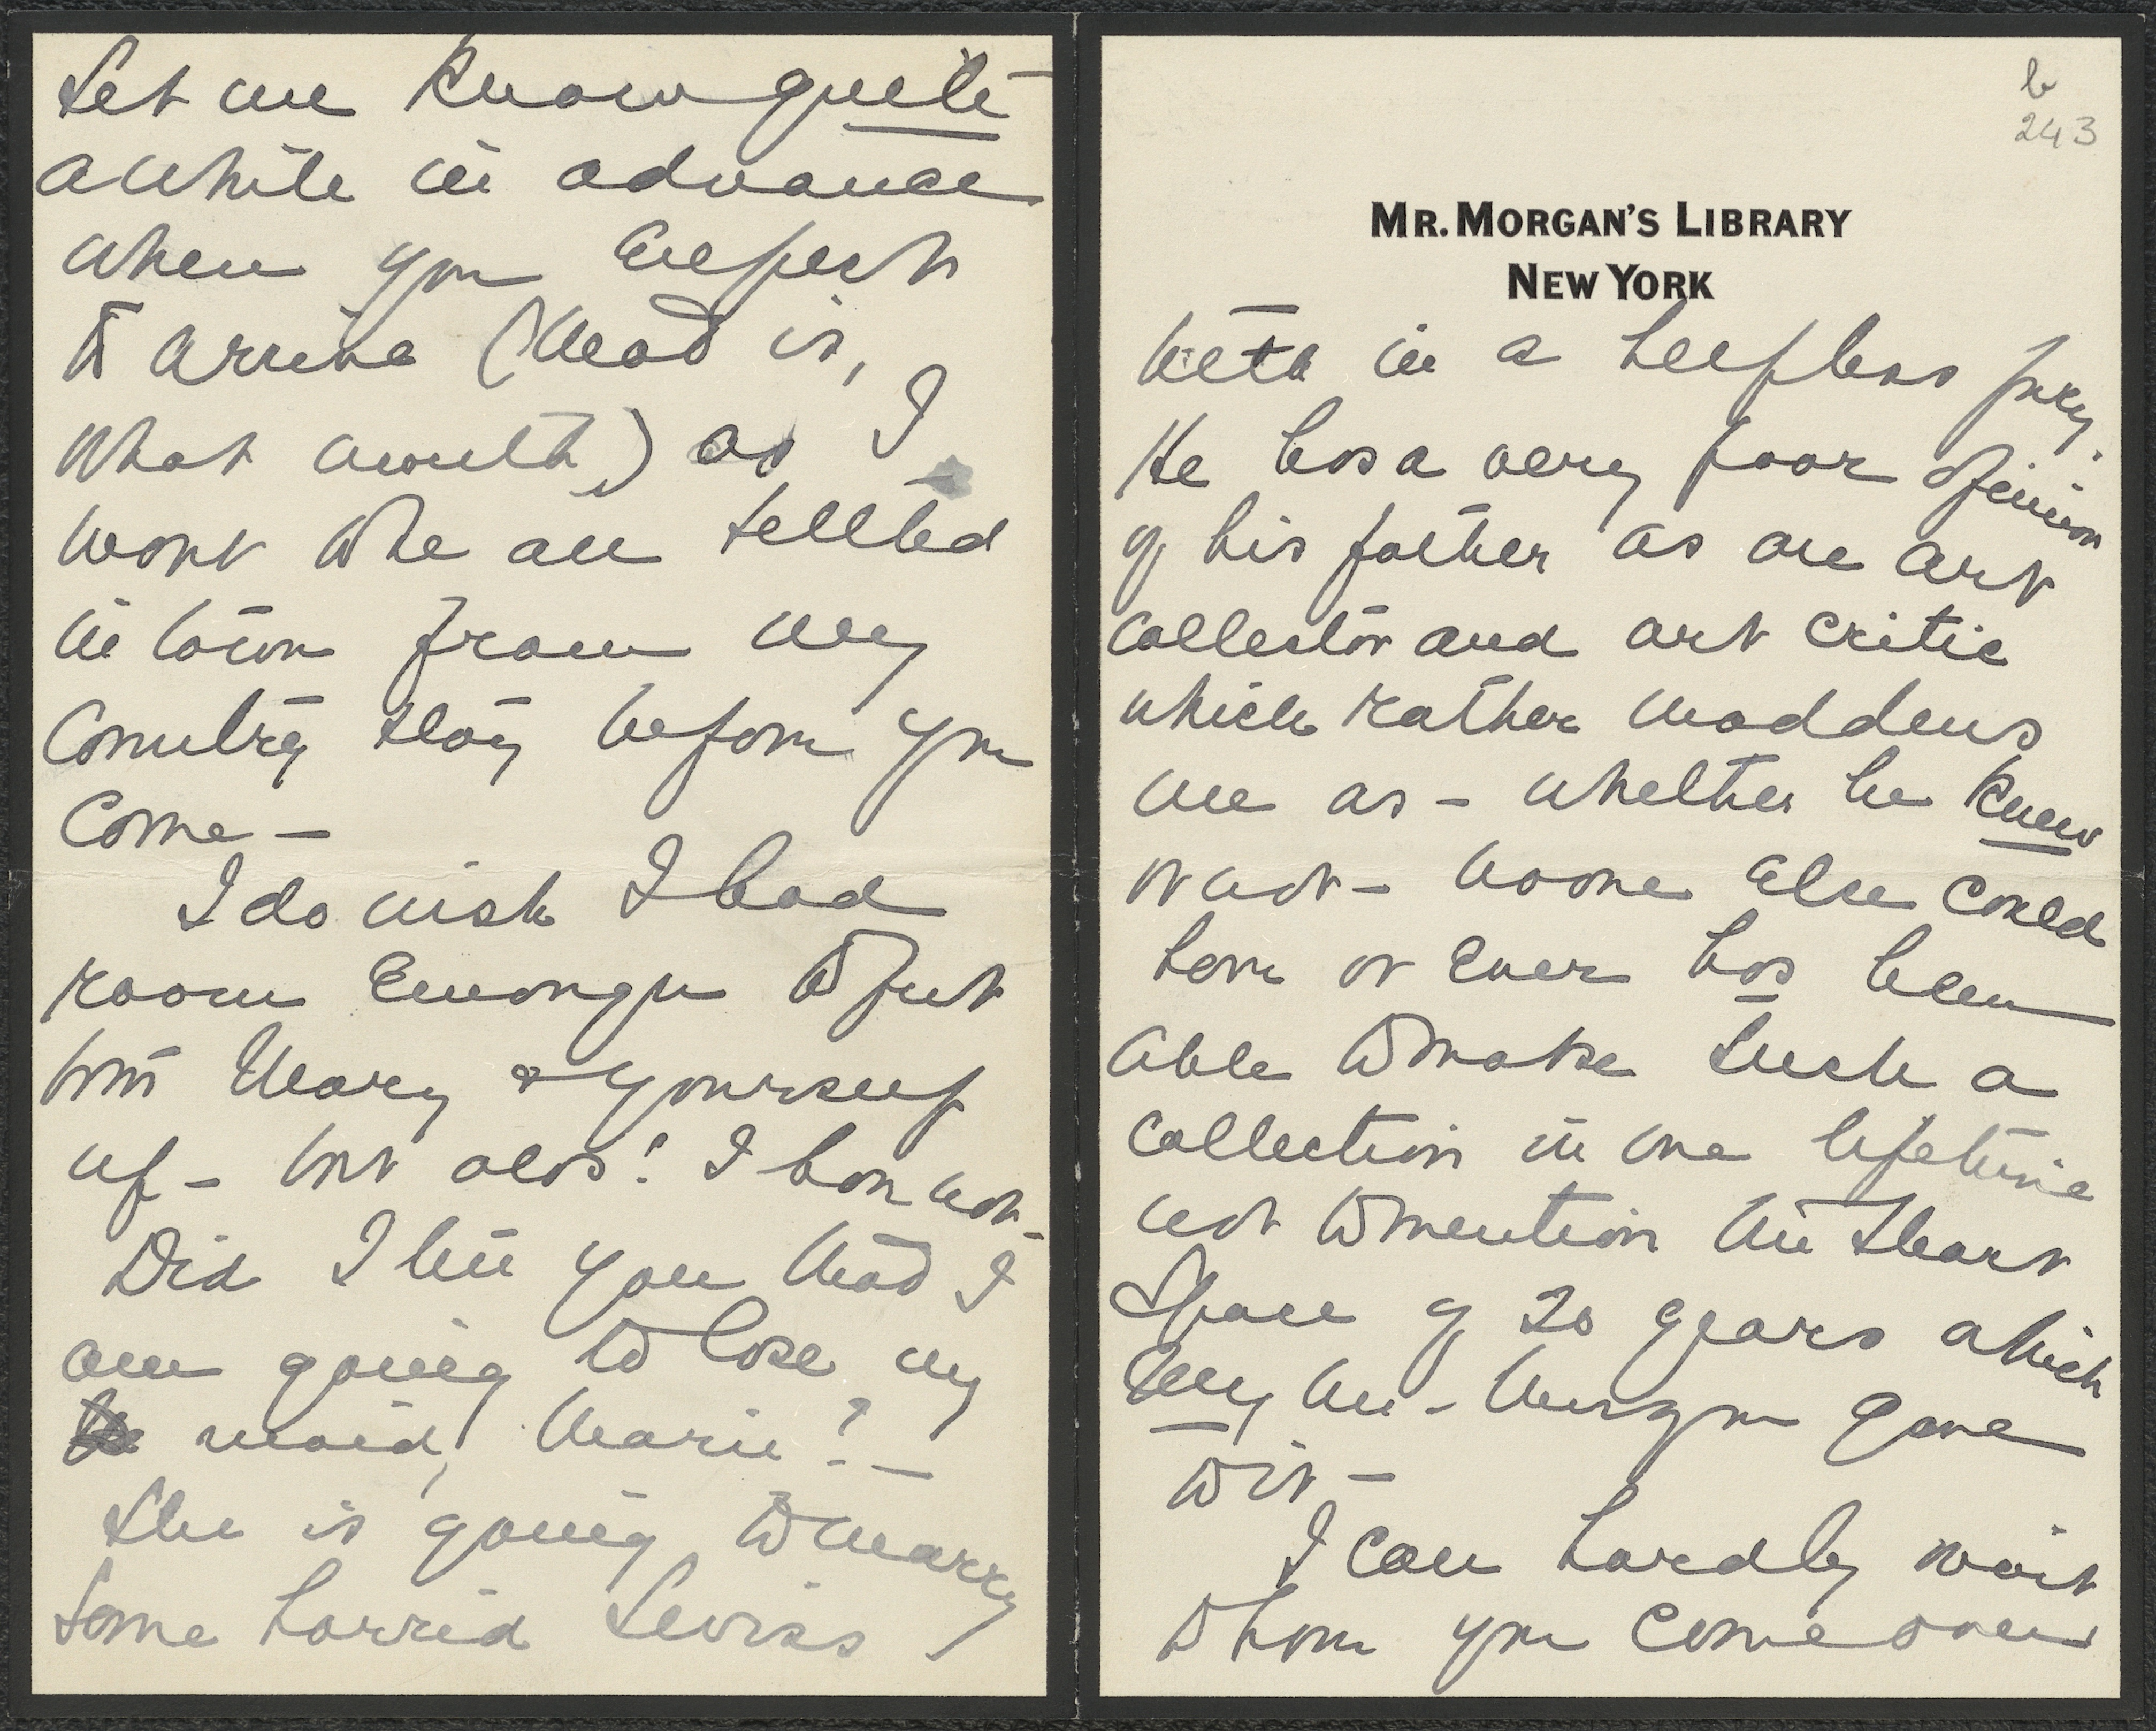teeth in a helpless fury. He has a very poor opinion of his father as an art collector and art critic which rather maddens me as – whether he knew or not – no one else could have or ever has been able to make such a collection in one lifetime not to mention the short space of 20 years which My Mr. Morgan gave to it –
I can hardly wait to have you come over
Let me know quite a while in advance when you expect to arrive (that is, what month) as I want to be settled in town from my country stay before you come –
I do wish I had room enough to put both Mary & yourself up – but alas! I have not –
Did I tell you that I am going to lose my M maid Marie? –
She is going to marry some horrid Swiss